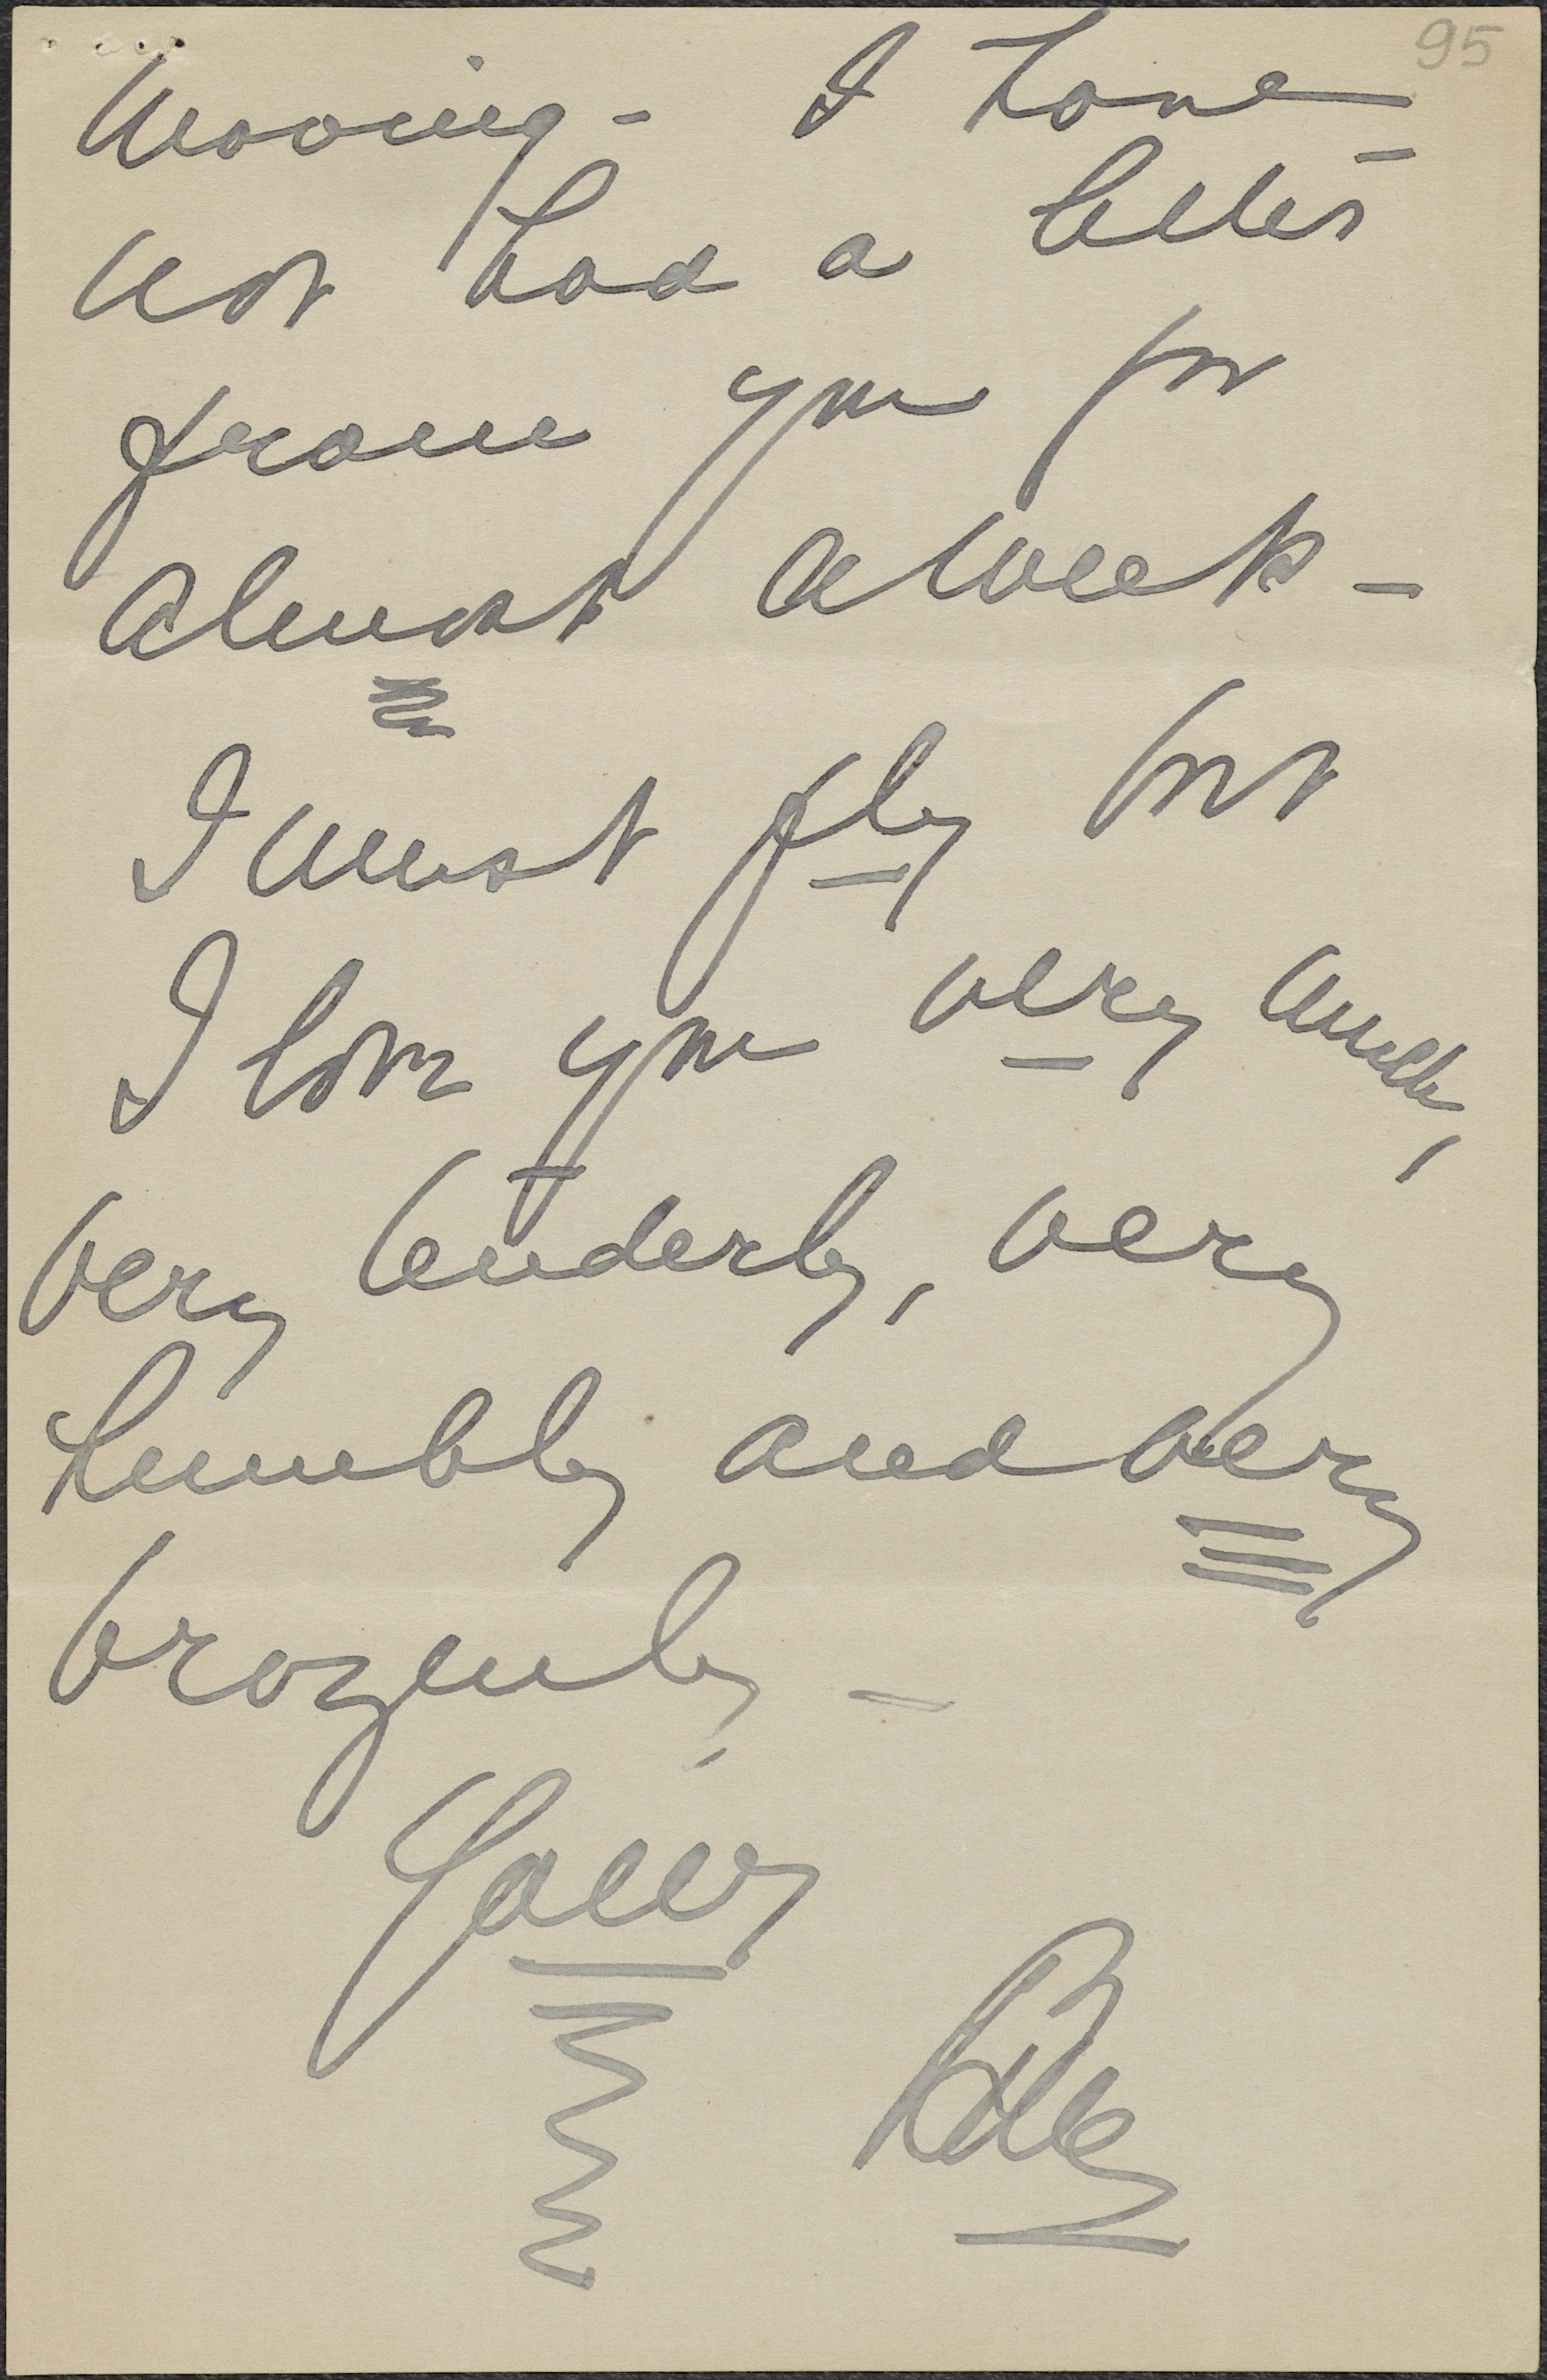moving – I have not had a letter from you for [quadruple underlined: almost] a week – I must fly but I love you very much, very tenderly, very humbly and [triple underlined: very] brazenly –
[underlined nine times: Your] Belle